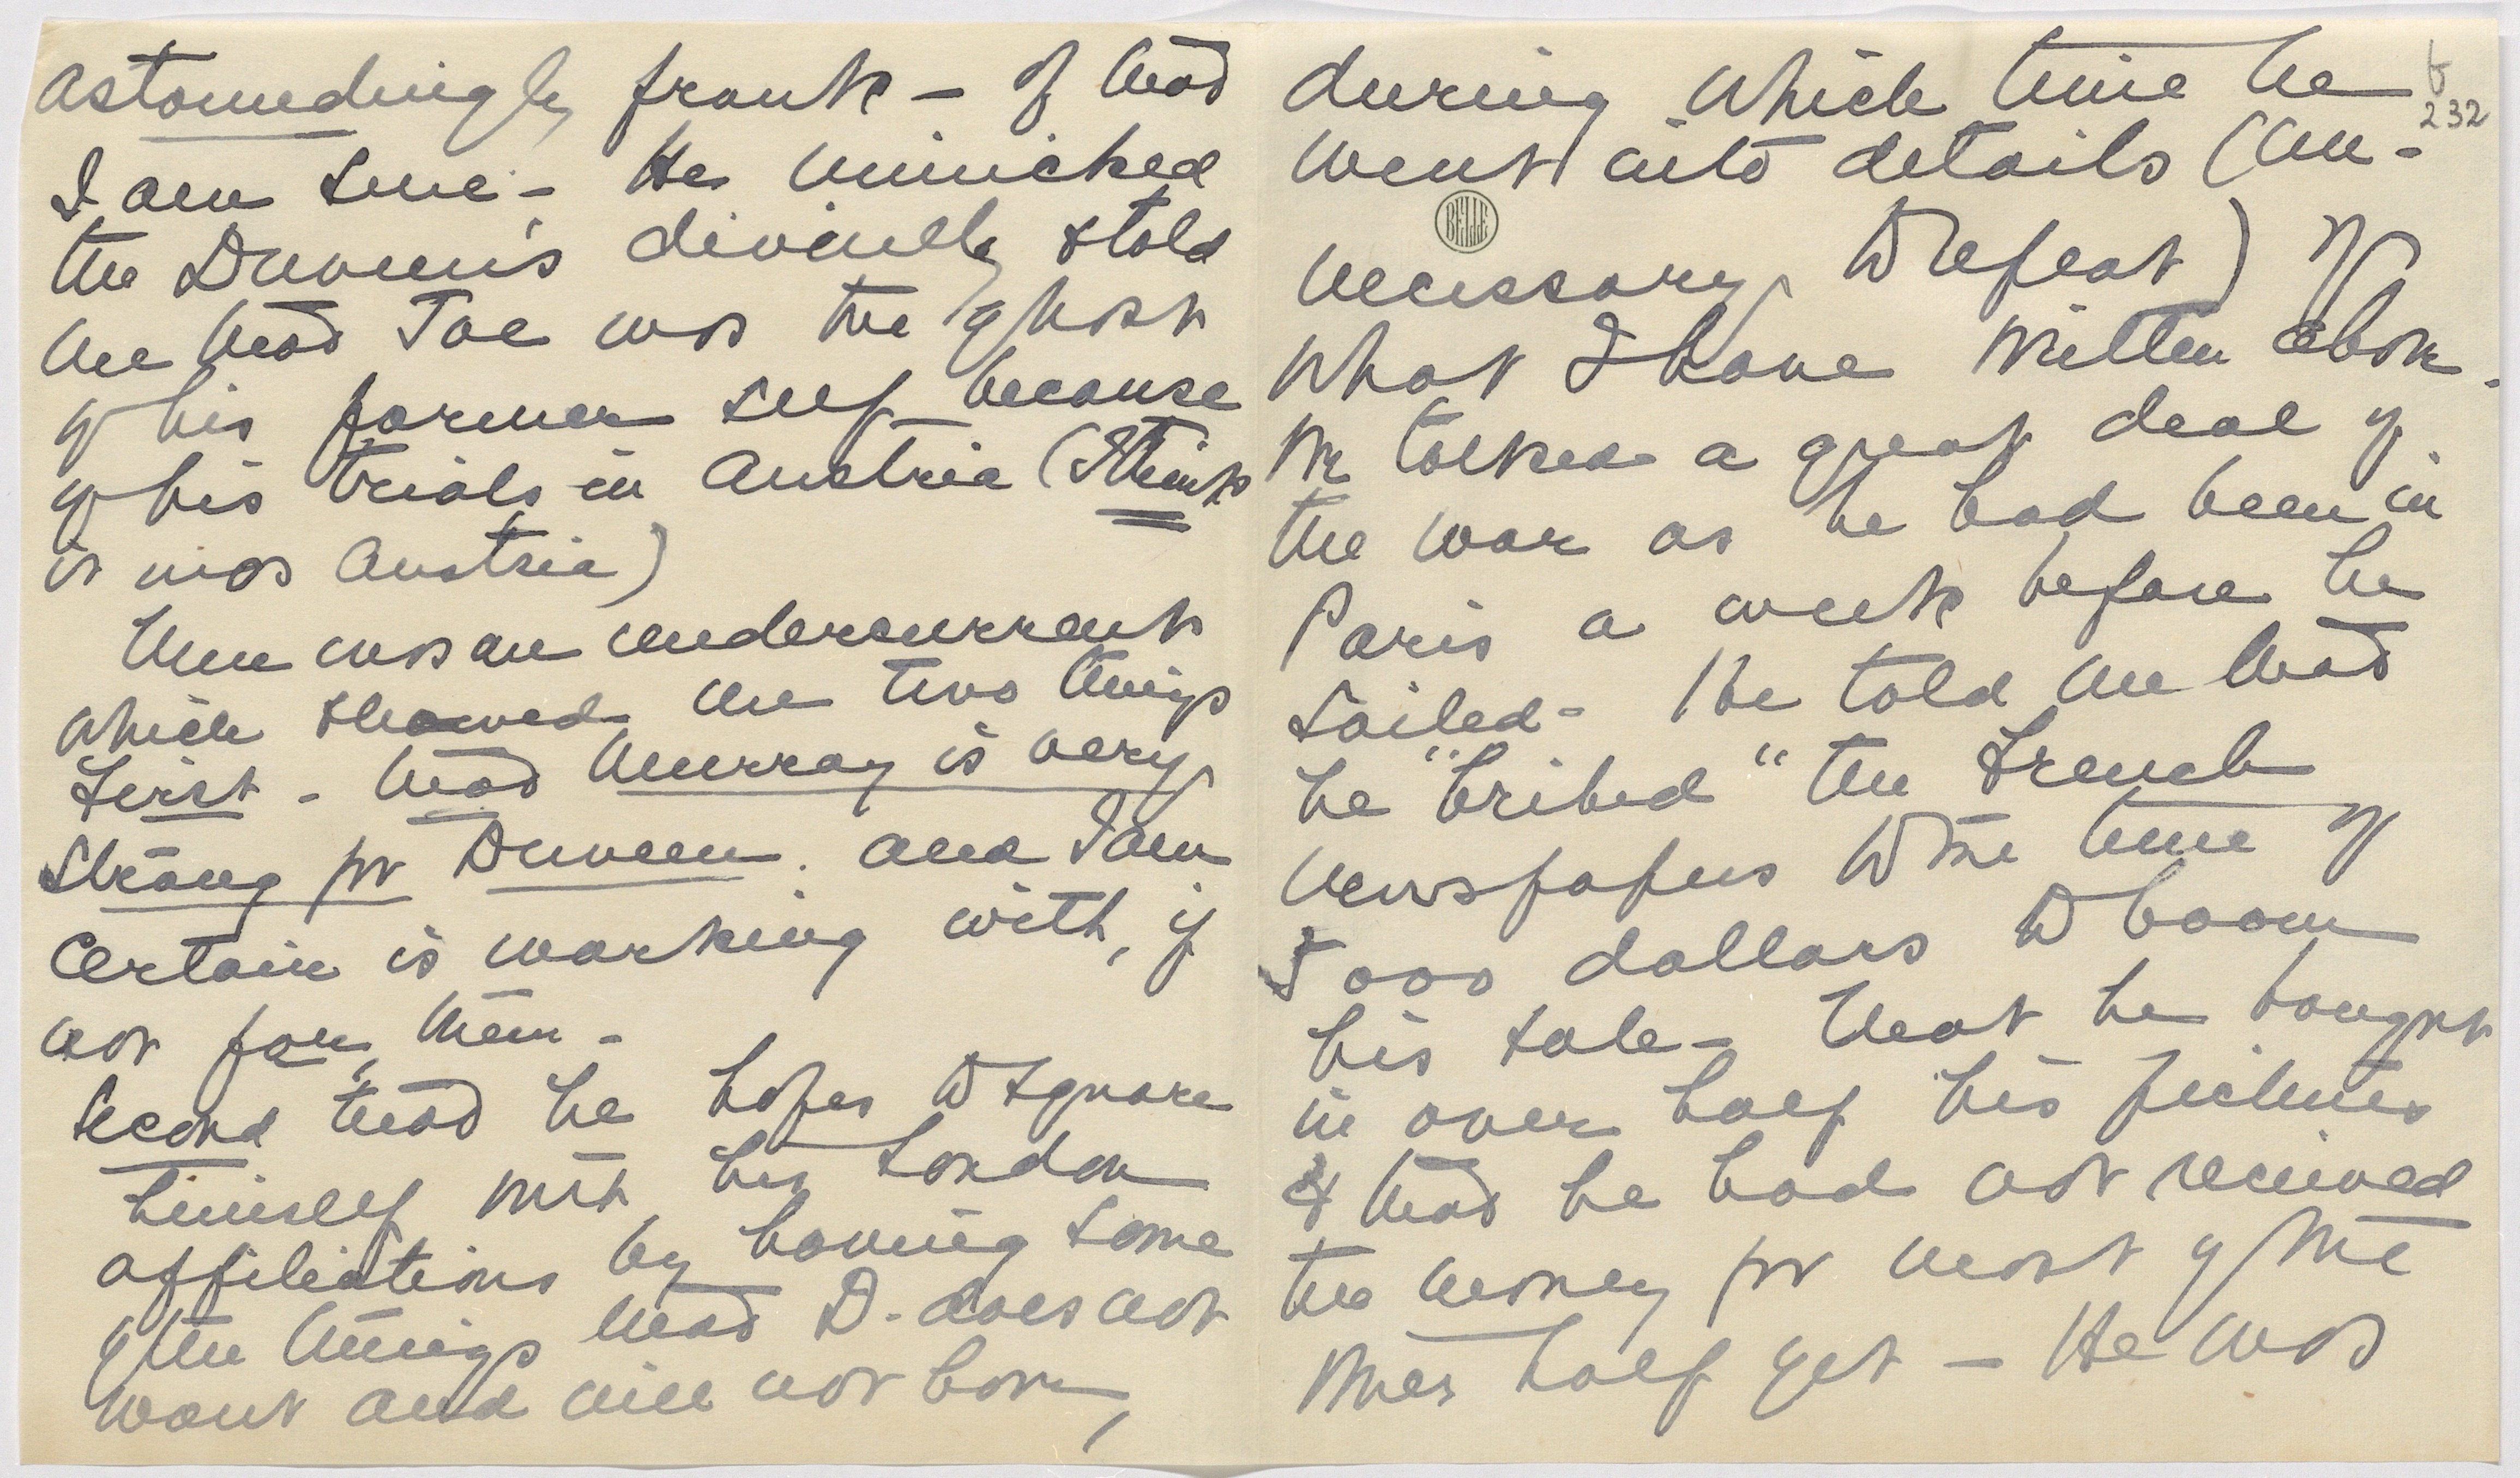during which time he went into details (unnecessary to repeat) of what I have written above. We talked a great deal of the war as he had been in Paris a week before he sailed – He told me that he “bribed” the French newspaper to the tune of 5000 dollars to boom his sale – that he bought in over half his pictures & that he had not received the money for most of the other half yet – He was
astoundingly frank – of that I am sure – He mimicked the Duveen’s divinely & told me that Joe was the ghost of his former self – because of his trials in Austria (I [double underlined: think] it was Austria)
There was an undercurrent which showed me two things
First – that Murray is very strong for Duveen and I am certain is working with, if not for, them –
Second that he hopes to square himself with his London affiliations by having some of the things that D. does not want and will not have,